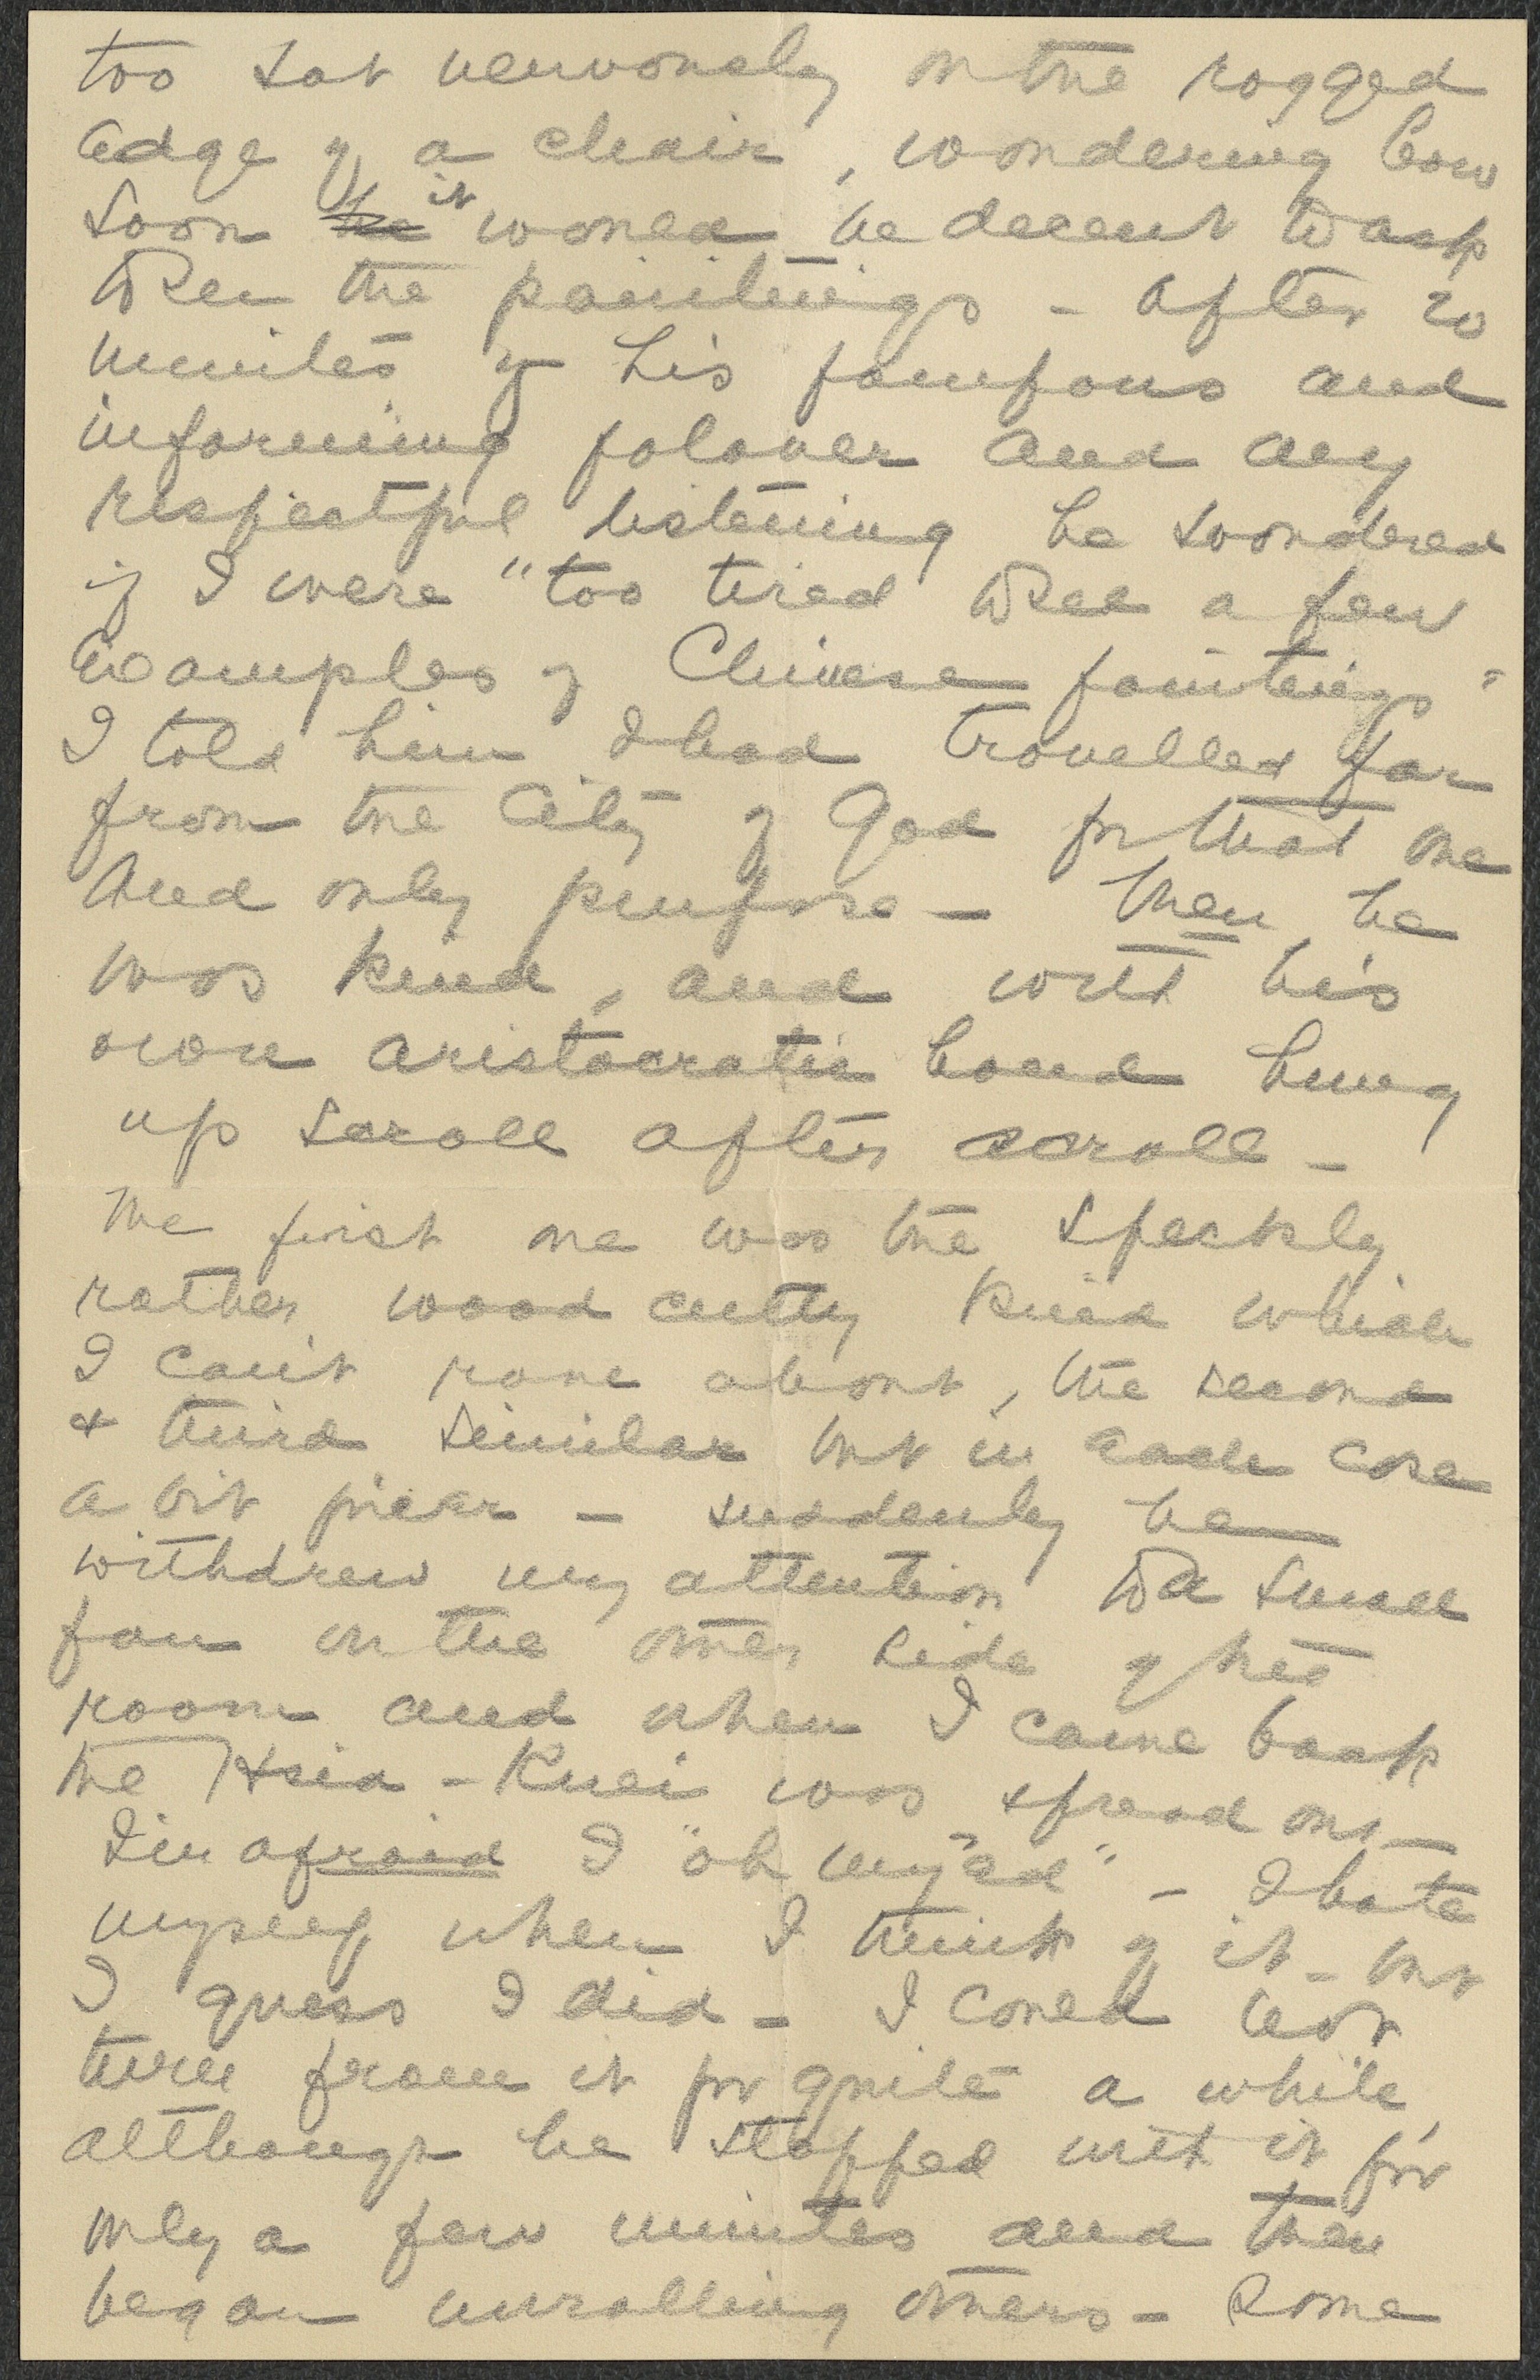too sat nervously on the ragged edge of a chair, wondering how soon he [^it^] would be decent to ask to see the paintings – after 20 minutes of his pompous and informing palaver and my respectful listening he wondered if I were “too tired to see a few examples of Chinese paintings” I told him I had travelled far from the city of God for that one and only purpose – then he was kind, and with his own aristocratic hand hung up scroll after scroll – The first one was the speckly rather wood cutty kind which I can’t rave about, the second & third similar but in each case a bit finer – suddenly he withdrew my attention to a small fan on the other side of the room and when I came back the Hsia-Kuei was spread out – I’m afraid I “oh my’ed” – I hate myself when I think of it – but I guess I did – I could not turn from it for quite a while, although he stopped with it for only a few minutes and then began unrolling others – some